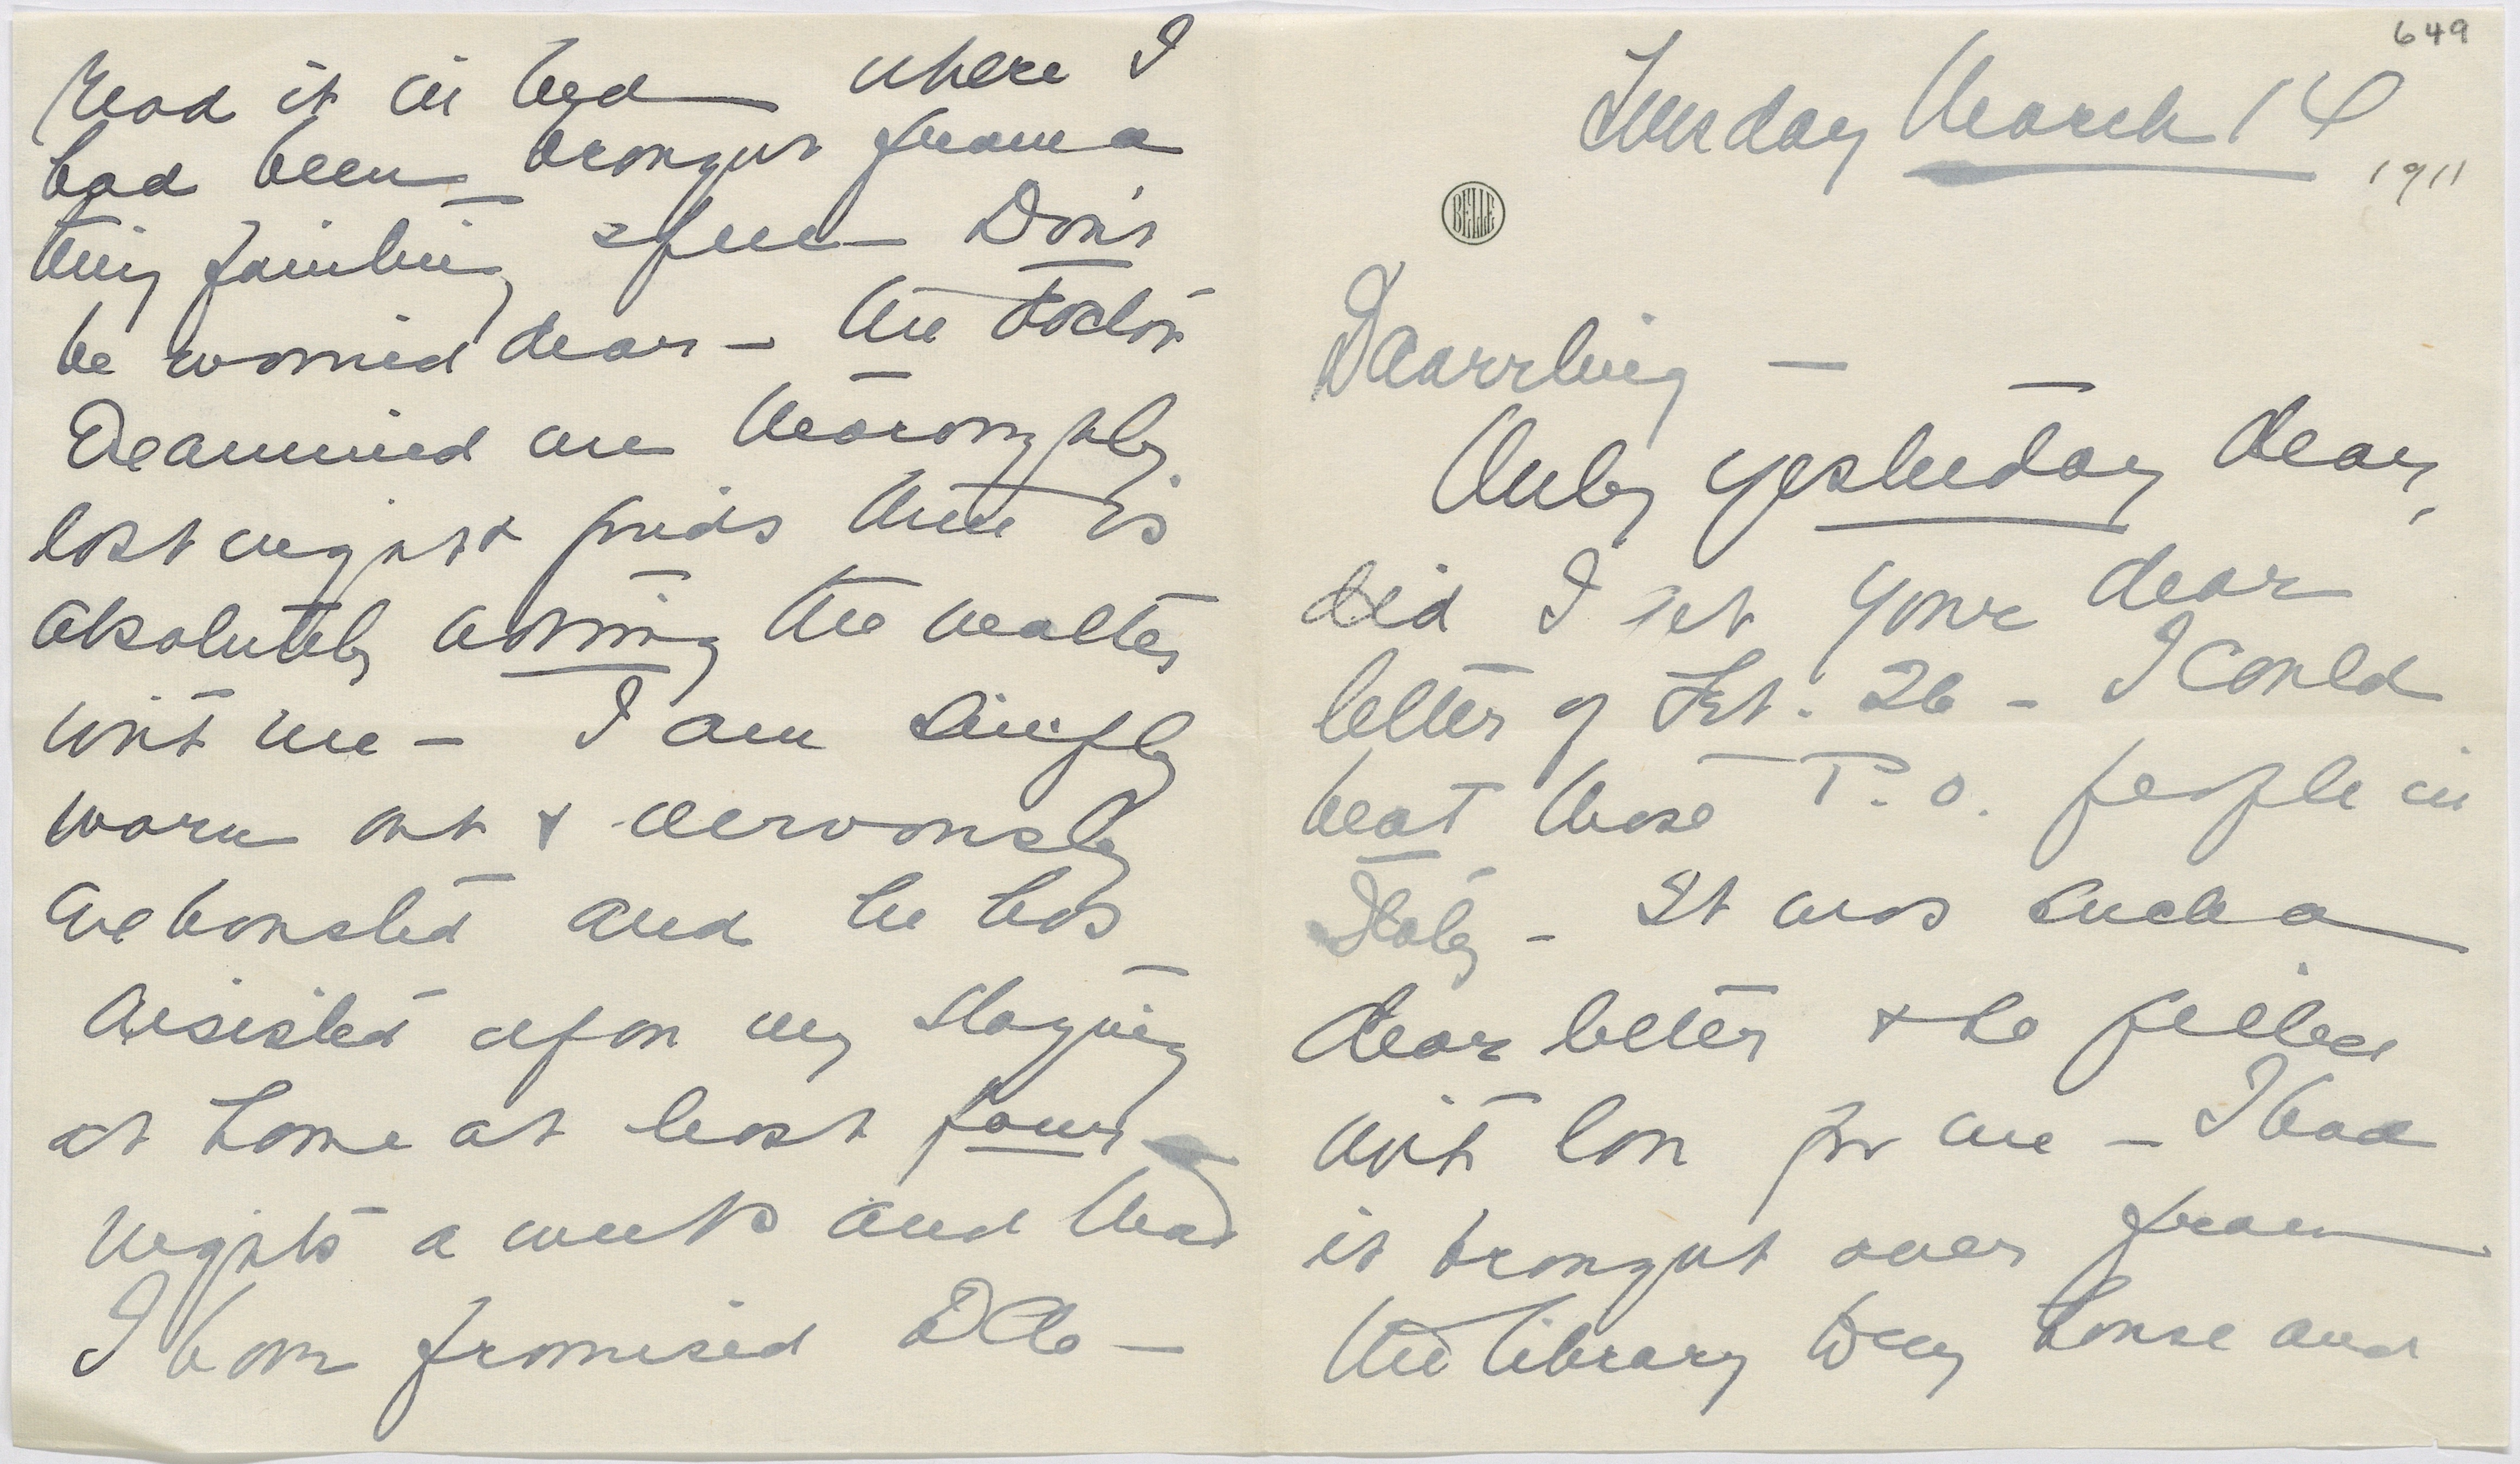Tuesday March 14
Daarrling –
Only yesterday dear, did I get your dear letter of Feb. 26 – I could beat those P.O. people in Italy – It was such a dear letter & so filled with love for me - I had it brought over from the library to my house and
read it in bed where I had been brought from a tiny fainting spell - Don’t be be worried dear – the doctor examined me thoroughly last night & finds there is absolutely nothing the matter with me – I am simply worn out & nervously exhausted and he has insisted upon my staying at home at least four nights a week and that I have promised to do –